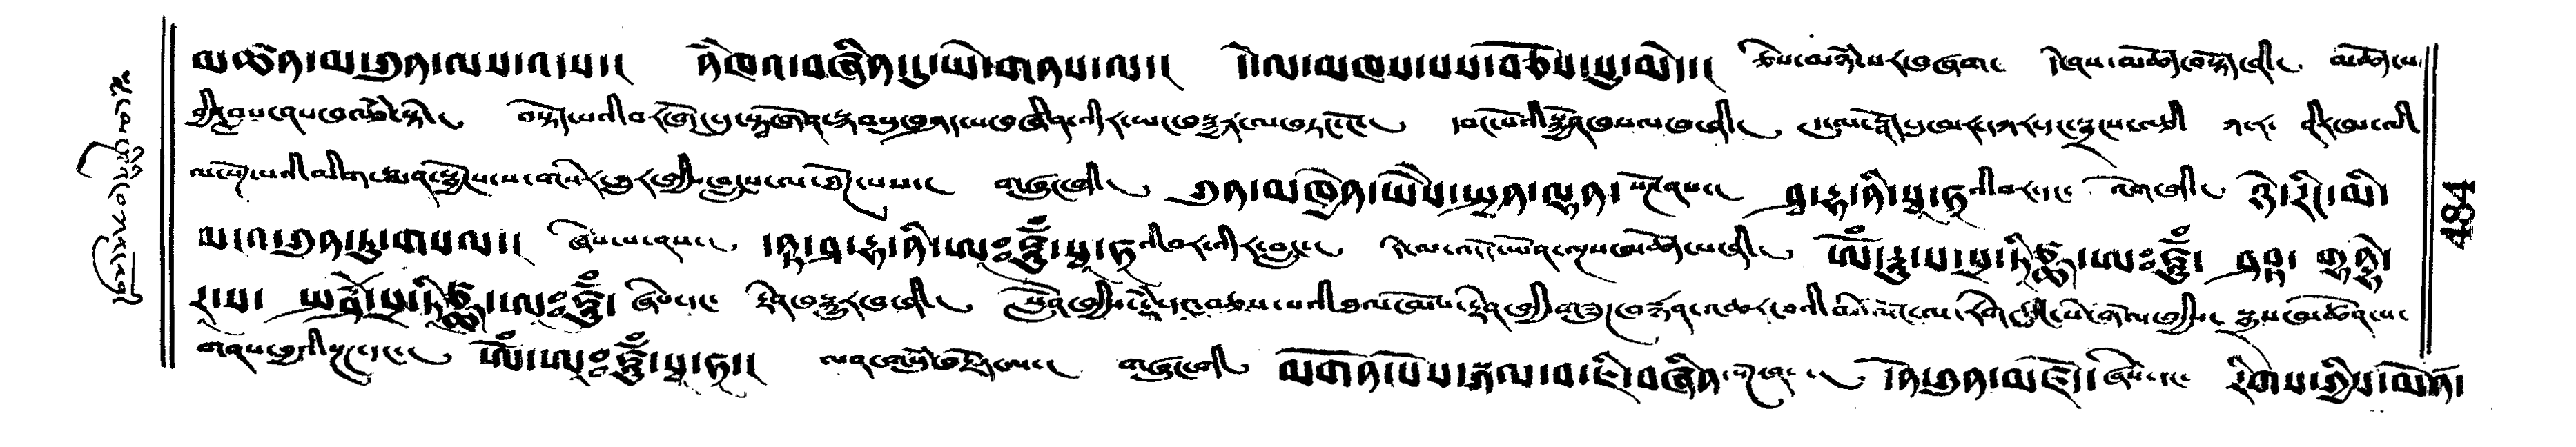མཚན་མ་ཀུན་ལས་འདས། །ནམ་མཁའ་བཞིན་དུ་ཡེ་གནས་ལ། །དེ་ལ་མཁས་པས་བཅོས་སུ་མེད། ཅ ེས་མཉམ་པར་བཞག དེ་ནས་མཆོད་བསྟོད་ནི། མཆོད་པ་
བྱིན་རླབས་ནས་བརྩམས་སྟེ། བསྟོད་པའི་བར་གོང་དུ་སྟ་གོན་སྐབས་སུ་བཤད་པ་བཞིན་འདིར་ཡང་བསྐྱར་ལ་བཏང་ངོ་། དབང་པོའི་སྐྱོན་བསལ་བ་ནི། དངུལ་སྣོད་དུ་མར་དཀར་དང་སྦྲང་རྩི། ཀ་ར། ནིར་མ་ལི་
ལ་སོགས་པའི་མིག་སྨན་སྦྱངས་པ་གསེར་ཐུར་གྱིས་བླངས་པ་ཐོགས་པས། གཞུང་གི ཀུན་མཁྱེན་ཡེ་ཤེས་སྤྱན་ལྡན༴ སོགས་ནས་ཤྭ་དྷ་ནི་སྭ་ཧཱ འི་བར་དང་། འོག་གི ཉེ་རིང་མི་
མངའ་ཀུན་ཏུ་གསལ། ཞེས་པ་ནས། དནྟ་ཤྭ་དྷ་ནི་ཨ་ཧཱུྃ་སྭ་ཧ འའི་བར་འདི་བླང་། དེ་ལ་འདོད་ཡོན་ལྔས་མཆོད་པ་ནི། ཨོཾ་རུ་པ་པྲ་ཏིཙྪ་ཨ་ཧཱུྃ། ཤབྟ་གྷནྡྷེ་
རཱ་ས་སྤརྴེ་པྲ་ཏིཙྪ་ཨ་ཧཱུྃ། ཞེས་དང་། རྟེན་བསྒྱུར་བ་ནི། སློབ་དཔོན་གྱིས་རྡོ་རྗེ་དང་བཅས་པའི་ཐལ་མོས་རྟེན་གྱི་གཟུགས་བརྙན་འཆར་བའི་མེ་ལོང་ལ་རེག་ཅིང་སེ་གོལ་གྱིས་སྒྲས་མཚོན་པ་
གནས་བྱའི་སྔགས་དང་། ཨོཾ་ཨཱཿཧཱུྃ་སྭ་ཧཱ། ལན་གསུམ་བརྗོད་ལ། གཞུང་གི མགོན་པོ་སྐལ་བ་ཇི་བཞིན༴ སོགས་ནས་དོན་ཀུན་མཛོད། ཞེས་དང་། རིགས་ཀྱིས་མཚོན་